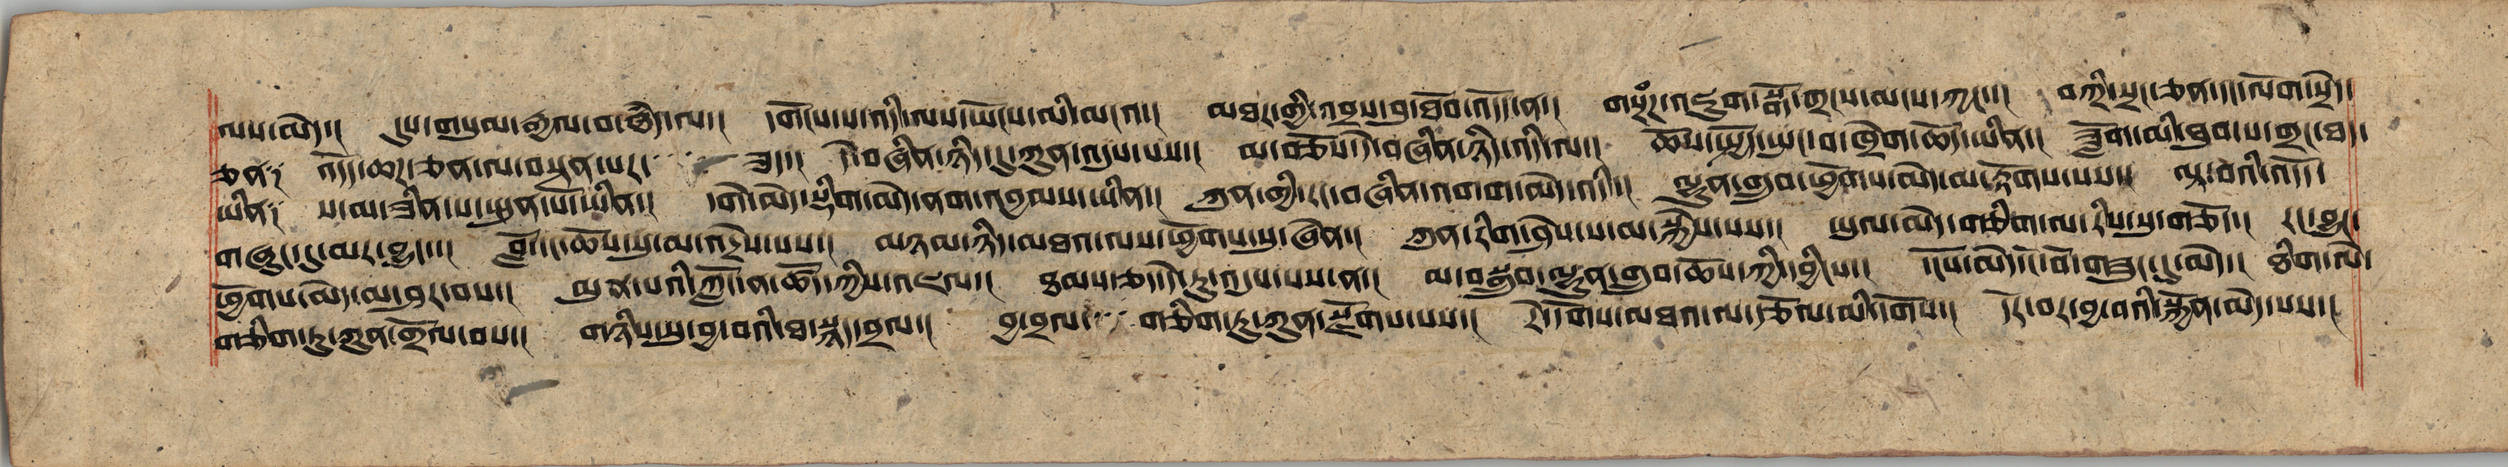ལས་མེད་། དུས་གསུམ་རྒྱལ་བ་ཐཾད་ལ་། དགོངས་པ་འདི་ལས་ཡོངས་མི་མངའ་། མཐར་གྱི་འབྲས་བུ་ཐོབ་འདོད་ན་། གསྔཾཌ་འཇུག་སྒོ་གྲངས་མངས་ཀྱང་་། བཀྲི་སྲང་ཅན་དང་ལོག་སྲེད་
ཅན༑ འདོད་ཆཌ་ཅན་ལ་བསྟན་པར་་་ཟད་། དེ་བཞིན་ཉིད་དུ་ཀུན་འདུས་པས་། མ་བཅོས་དེ་བཞིན་ཉིད་འདི་ལ་། ཆོས་སྤྱོད་སྤང་བ་ཁྲེག་ཆོད་ཡིན་། ཟློག་མི་ཐུབ་པ་གྲང་ཐད་
ཡིན༑ ས་མ་ཟིན་པ་སྤུན་པོ་ཡིན་། དགེ་མེད་སྡིག་མེད་ནག་འབྱམས་ཡིན་། ཀུན་གྱི་རང་བཞིན་འགག་མེད་འདི་། ལྷུན་གྲུབ་ཕྱོགས་མེད་མ་རྟོགས་པས་། ལྟ་བའི་འདོད་
གཞུང་དུ་མར་བྱུང་་། བློ་དང་ཆོས་སུ་མ་འདྲེས་པས་། མཉམ་ཉིད་མཐའ་ལས་ཕྱོགས་སུ་ཞེན་། ཀུན་རིག་ཤེས་པ་མ་སྐྱེས་པས་། ཡུལ་མེད་གཅིག་ལ་་རིས་སུ་གཅོད་། རང་བྱུང་
ཕྱོགས་མེད་མ་ཤར་བས་། མུན་པའི་ཀློང་ན་ཚོད་ཀྱིས་འཇལ་། ཐམས་ཅད་དེ་རུ་འདུས་པས་ན་། མ་བསྒྲུབ་ལྷུན་གྲུབ་ཆོས་ཀྱི་དབྱིངས་། དངོས་མེད་ངོ་བོ་གཟུང་དུ་མེད་། ཐིག་ལེ་
གཅིག་ཏུ་ཀུན་གྲོལ་བས་། གཉིས་སུ་བྱ་བའི་ཐ་སྙད་བྲལ་། བྱ་བྲལ་གཅིག་ཏུ་ཀུན་སྫོགས་པས་། རེ་དོགས་མཐའ་ལ་རྩོལ་མི་དགོས་། དོར་བར་བྱ་བའི་སྐྱོན་མེད་པས་།